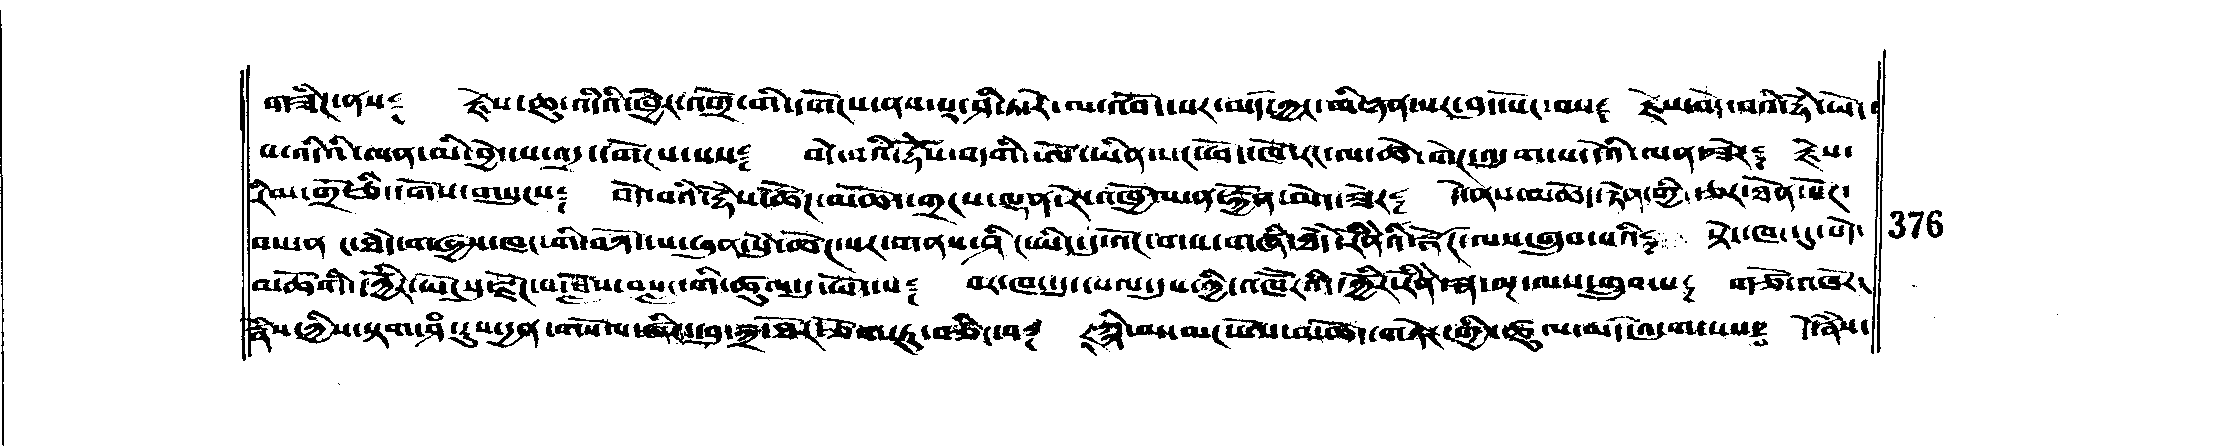གཟིགས་ནས། རྗེས་ཆུ་འདིའི་ཁྱེར་འགྲོ་གི་དགོངས་ནས་པཱ་ཤཾ་ཏ་རེ་ལ་འབོད་པར་མཛད་ཀྱང་མི་ཉན་པར་བུད་སོང་བས། རྗེས་བདེ་བའི་རྡོ་རྗེ་ཡོད་
པ་འདིས་ལན་མི་བྱེད་པ་འདྲ་དགོངས་པས། བདེ་བའི་རྡོ་རྗེས་བདག་གི་ཨོ་ཡིན་སང་ཕོད་ཁོ་རང་ལ་ཚེ་གེགས་འདུག་པ་དེའི་ལན་ཟེར། རྗེས་
རིམ་གྲོ་ཅི་དགོས་གསུངས། བདེ་བའི་རྡོ་རྗེས་ཚོགས་མཆོད་གྲངས་ལྡན་རེ་འཁྱོལ་ན་སྐྱོན་མེད་ཟེར། དེ་ནས་མཆོད་རྟེན་གྱི་རྩར་ཐོན་སོང་
བས་ནང་ཐམས་ཅད་གཞལ་ཡས་ཁང་གི་བཀོད་པ་ཕུན་སུམ་ཚོགས་པར་གནས་ཤིང་ཡིད་དུ་འོང་བ་ས་གཞི་ཐམས་ཅད་རིན་པོ་ཆེ་སྣ་ཚོགས་ལས་གྲུབ་པའི། སྟེང་ཁང་དུ་བདེ་
མཆོག་གི་དཀྱིལ་འཁོར་ཡོངས་སུ་རྫོགས་པ་བློས་བསླང་གི་ཚུལ་དུ་ཡོད་པ། བར་ཁང་དུ་དཔལ་དུས་ཀྱི་འཁོར་ལོའི་དཀྱིལ་འཁོར་རིན་པོ་ཆེ་སྣ་ལྔ་ལས་གྲུབ་པ། གཙོ་འཁོར་
རྣམས་ཀྱིས་སྟག་ཤཾ་རུས་རྒྱན་གསོལ་ཞིང་དབུ་སྐྲ་ཐོར་ཅོག་ཏུ་བཅིང་བ། ཌཱཀྐི་མ་མང་པོས་མཆོད་གཏེར་གྱི་ཚུལ་མཛད་འདུག་པས། དེ་རྣམས་